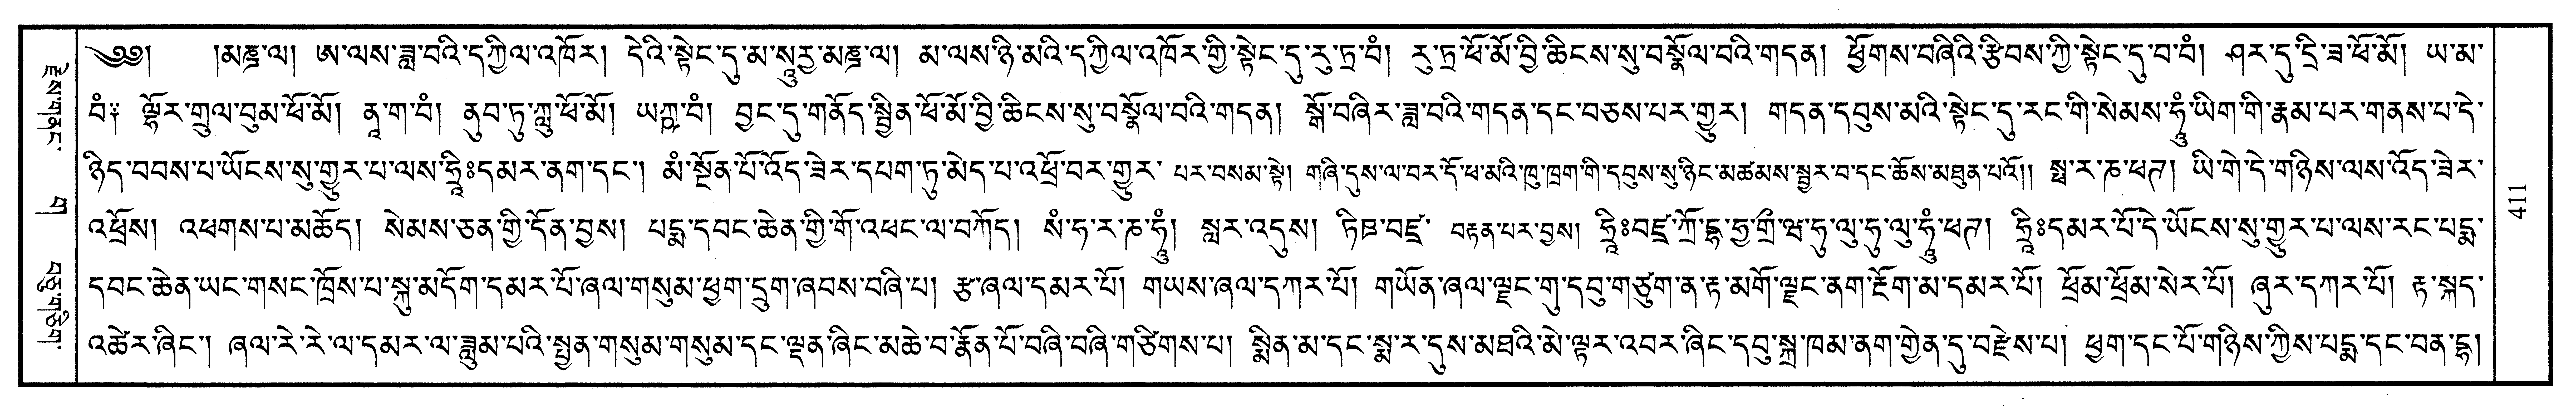༄༅། །མཎྜ་ལ། ཨ་ལས་ཟླ་བའི་དཀྱིལ་འཁོར། དེའི་སྟེང་དུ་མ་སཱུརྱ་མཎྜ་ལ། མ་ལས་ཉི་མའི་དཀྱིལ་འཁོར་གྱི་སྟེང་དུ་རུ་ཏྲ་བཾ། རུ་ཏྲ་ཕོ་མོ་བྱི་ཆིངས་སུ་བསྣོལ་བའི་གདན། ཕྱོགས་བཞིའི་རྩིབས་ཀྱི་སྟེང་དུ་བ་བཾ། ཤར་དུ་དྲི་ཟ་ཕོ་མོ། ཡ་མ་
བཾ༑ ལྷོར་གྲུལ་བུམ་ཕོ་མོ། ནཱ་ག་བཾ། ནུབ་ཏུ་ཀླུ་ཕོ་མོ། ཡཀྵ་བཾ། བྱང་དུ་གནོད་སྦྱིན་ཕོ་མོ་བྱི་ཆིངས་སུ་བསྣོལ་བའི་གདན། སྒོ་བཞིར་ཟླ་བའི་གདན་དང་བཅས་པར་གྱུར། གདན་དབུས་མའི་སྟེང་དུ་རང་གི་སེམས་ཧཱུཾ་ཡིག་གི་རྣམ་པར་གནས་པ་དེ་
ཉིད་བབས་པ་ཡོངས་སུ་གྱུར་པ་ལས་ཧྲཱིཿ དམར་ནག་དང་། མཾ་སྔོན་པོ་འོད་ཟེར་དཔག་ཏུ་མེད་པ་འཕྲོ་བར་གྱུར་པར་བསམ་སྟེ། གཞི་དུས་ལ་བར་དོ་ཕ་མའི་ཁུ་ཁྲག་གི་དབུས་སུ་ཉིང་མཚམས་སྦྱར་བ་དང་ཆོས་མཐུན་པའོ། །སྥ་ར་ཎ་ཕཊ། ཡི་གེ་དེ་གཉིས་ལས་འོད་ཟེར་
འཕྲོས། འཕགས་པ་མཆོད། སེམས་ཅན་གྱི་དོན་བྱས། པདམ་དབང་ཆེན་གྱི་གོ་འཕང་ལ་བཀོད། སཾ་ཧ་ར་ཎ་ཧཱུཾ། སླར་འདུས། ཏིཊཿཨ་བཛྲ་བརྟན་པར་བྱས། ཧྲཱིཿ བཛྲ་ཀྲོ་དྷ་ཧྱ་གྲྀ་ཝ་ཧུ་ལུ་ཧུ་ལུ་ཧཱུཾ་ཕཊ། ཧྲཱིཿ དམར་པོ་དེ་ཡོངས་སུ་གྱུར་པ་ལས་རང་པདམ་
དབང་ཆེན་ཡང་གསང་ཁྲོས་པ་སྐུ་མདོག་དམར་པོ་ཞལ་གསུམ་ཕྱག་དྲུག་ཞབས་བཞི་པ། རྩ་ཞལ་དམར་པོ། གཡས་ཞལ་དཀར་པོ། གཡོན་ཞལ་ལྗང་གུ་དབུ་གཙུག་ན་རྟ་མགོ་ལྗང་ནག་རྔོག་མ་དམར་པོ། ཕྲོམ་ཕྲོམ་སེར་པོ། ཞུར་དཀར་པོ། རྟ་སྐད་
འཚེར་ཞིང་། ཞལ་རེ་རེ་ལ་དམར་ལ་ཟླུམ་པའི་སྤྱན་གསུམ་གསུམ་དང་ལྡན་ཞིང་མཆེ་བ་རྣོན་པོ་བཞི་བཞི་གཙིགས་པ། སྨིན་མ་དང་སྨ་ར་དུས་མཐའི་མེ་ལྟར་འབར་ཞིང་དབུ་སྐྲ་ཁམ་ནག་གྱེན་དུ་བརྫེས་པ། ཕྱག་དང་པོ་གཉིས་ཀྱིས་པདམ་དང་བན་དྷ།